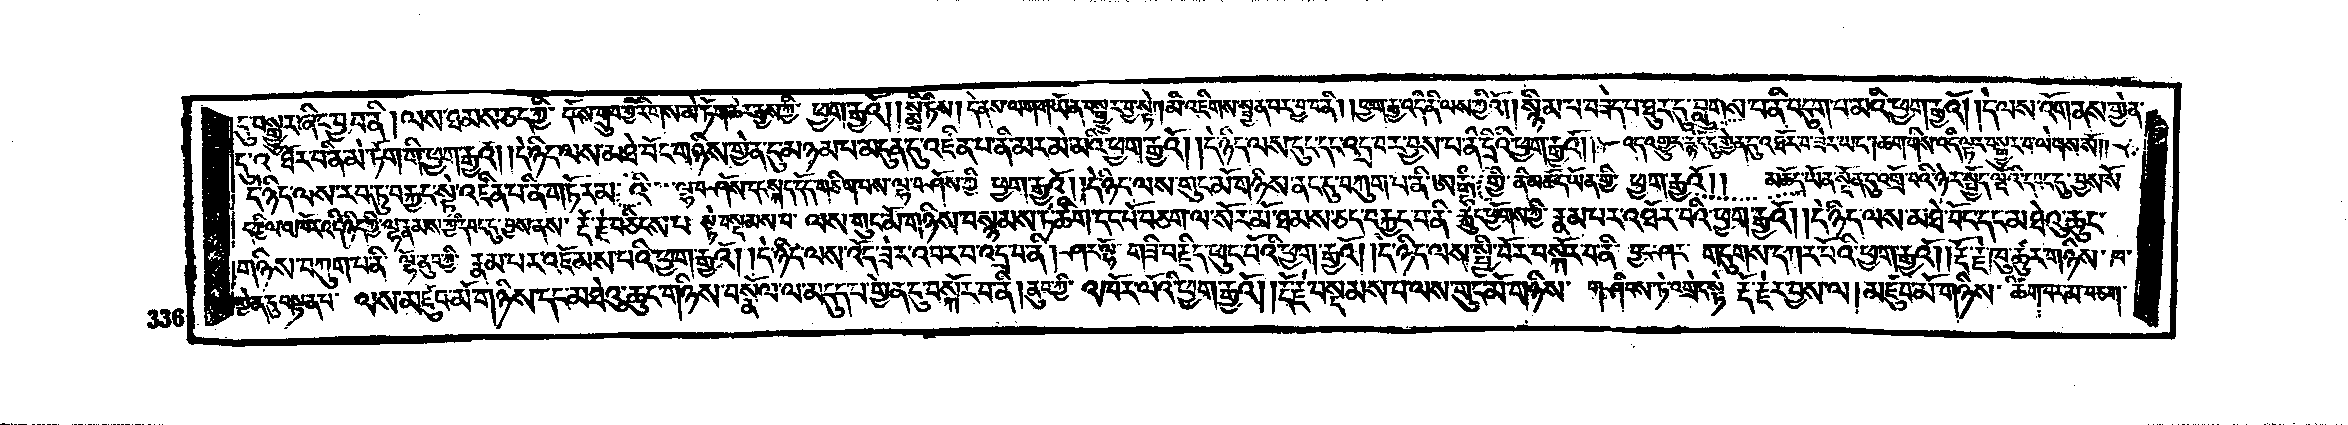དུ་བསྒྱུར་ཞིང་བྱ་བ་ནི། ལས་ཐམས་ཅད་ཀྱི་དངོས་གྲུབ་ཀྱི་རིགས་མེ་ཏོག་ཆེར་རྒྱས་ཀྱི་ཕྱག་རྒྱའོ། །སྨྲི་ཏིས། ད་ནས་ལག་གཡོན་བསྒྱུར་བྱ་སྟེ། མི་འཇིགས་སྤྱན་པར་བྱ་བ་ནི། །ཕྱག་རྒྱ་འདི་ནི་ལས་ཀྱིའོ། །སྙིམ་པ་བཟེད་པ་ཐུར་དུ་བླུགས་པ་ནི་བདུག་པ་མའི་ཕྱག་རྒྱའོ། །དེ་ལས་འོག་ནས་གྱེན་
དུ་འཐོར་བ་ནི་མེ་ཏོག་གི་ཕྱག་རྒྱའོ། །དེ་ཉིད་ལས་མཐེ་བོང་གཉིས་གྱེན་དུ་མཉམ་པ་མདུན་དུ་འཛིན་པ་ནི་མར་མེ་མའི་ཕྱག་རྒྱའོ། །དེ་ཉིད་ལས་དུང་དང་འདྲ་བར་བྱས་པ་ནི་དྲིའི་ཕྱག་རྒྱའོ། འདི་འགྱུར་རྙིང་དུ་གྱེན་དུ་འཐོར་བ་ཟེར་ཡང་། ཆག་གིས་འདི་ལྟར་བསྒྱུར་བ་ལེགས་སོ།།  .H
དེ་ཉིད་ལས་རབ་ཏུ་བརྐྱང་སྟེ་འཛིན་པ་ནི་གཏོར་མའི་ལྷ་བཤས་དང་སྐད་དོད་གཅིག་པས་ལྷ་བཤོས་ཀྱི་ཕྱག་རྒྱའོ། །དེ་ཉིད་ལས་གུང་མོ་གཉིས་ནང་དུ་བཀུག་པ་ནི་ཨརྒྷཾ་གྱི་ནི་མཆོད་ཡོན་གྱི་ཕྱག་རྒྱའོ། །མཆོད་ཡོན་སྔོན་དུ་འགྲོ་བའི་ཉེར་སྤྱོད་ལྔའི་དབང་དུ་བྱས་སོ་
དཀྱིལ་འཁོར་འདི་ཉིད་ཀྱི་ལྷ་རྣམས་ཀྱི་དབང་དུ་བྱས་ནས་རྡོ་རྗེ་བཅིངས་པ་སྟེ་བསྡམས་པ་ལས་གུང་མོ་གཉིས་བསྙམས་ཏེ་ཚིག་དང་པོ་བཅག་ལ་སོར་མོ་ཐམས་ཅད་བརྐྱང་བ་ནི་རླུང་ཕྱོགས་ཀྱི་རྣམ་པར་འཐོར་བའི་ཕྱག་རྒྱའོ། །དེ་ཉིད་ལས་མཐེ་བོང་དང་མཐེའུ་ཆུང་
གཉིས་བཀུག་པ་ནི་ལྷོ་ནུབ་ཀྱི་རྣམ་པར་འཇོམས་པའི་ཕྱག་རྒྱའོ། །དེ་ཉིད་ལས་འོད་ཟེར་འབར་བ་འདྲ་བ་ནི། ཤར་ལྷོ་གཟི་བརྗིད་ཕུང་པོའི་ཕྱག་རྒྱའོ། །དེ་ཉིད་ལས་སྤྱི་བོར་བསྐོར་བ་ནི་བྱང་ཤར་གདུགས་དཀར་པོའི་ཕྱག་རྒྱའོ། །རྡོ་རྗེ་ཁུ་ཆུར་གཉིས་ཁ་
གྱེན་དུ་བསྟན་པ་ལས་མཛུབ་མོ་གཉིས་དང་མཐེའུ་ཆུང་གཉིས་བསྣོལ་ལ་མདུད་པ་གྱེན་དུ་བསྐོར་བ་ནི། ནུབ་ཀྱི་འཁོར་ལོའི་ཕྱག་རྒྱའོ། །རྡོ་རྗེ་བསྡམས་པ་ལས་གུང་མོ་གཉིས་གཤིབས་ཏེ་འགྲེང་སྟེ་རྡོ་རྗེར་བྱས་ལ། མཛུབ་མོ་གཉིས་ཆོག་བར་མ་བཅག་